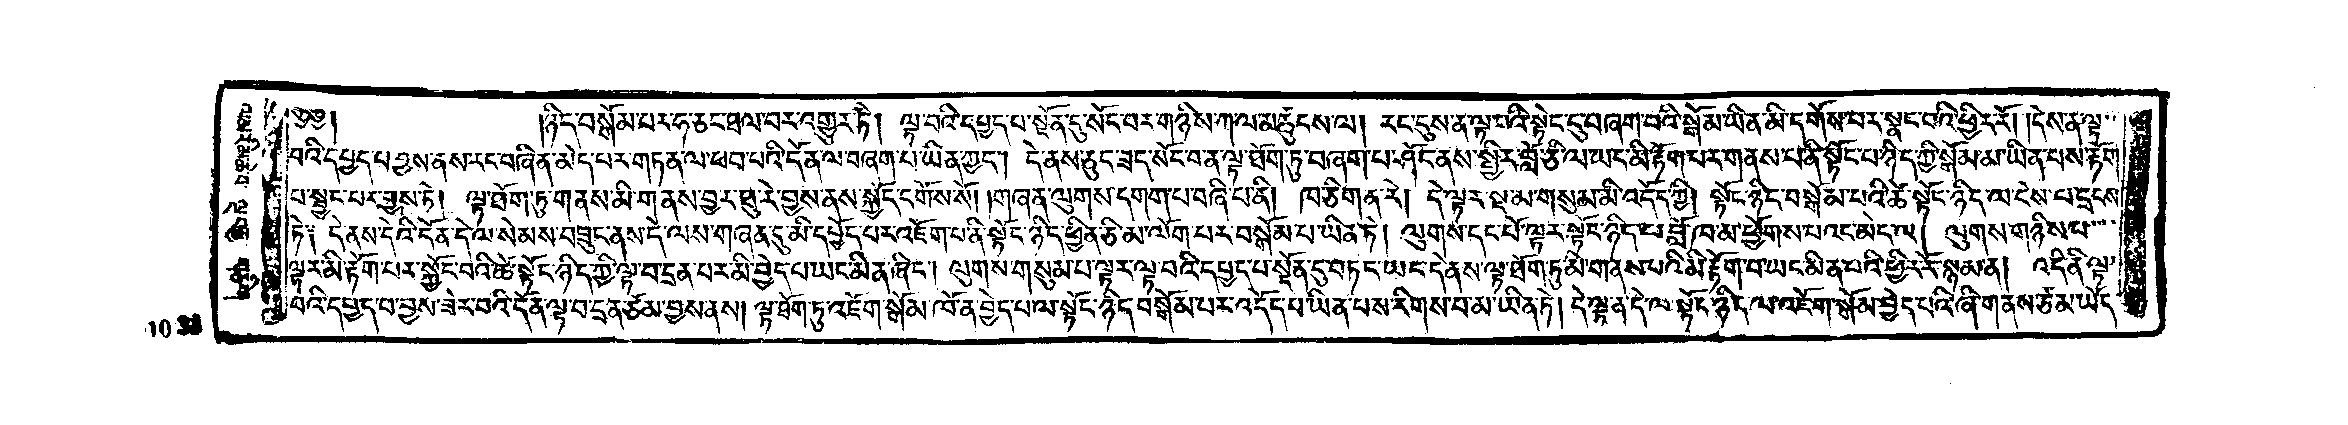༄༅། །ཉིད་བསྒོམ་པར་ཧ་ཅང་ཐལ་བར་འགྱུར་ཏེ། ལྟ་བའི་དཔྱད་པ་སྔོན་དུ་སོང་བར་གཉིས་ཀ་ལ་མཚུངས་ལ། རང་དུས་ན་ལྟ་བའི་སྟེང་དུ་བཞག་པའི་སྒོམ་ཡིན་མི་དགོས་པར་སྣང་བའི་ཕྱིར་རོ། །དེས་ན་ལྟ་
བའི་དཔྱད་པ་བྱས་ནས་རང་བཞིན་མེད་པར་གཏན་ལ་ཕབ་པའི་དོན་ལ་བཞག་པ་ཡིན་ཀྱང་། དེ་ནས་ཅུང་ཟད་སོང་བ་ན་ལྟ་ཐོག་ཏུ་བཞག་པ་ཤོར་ནས་སྤྱིར་བློ་ཅི་ལ་ཡང་མི་རྟོག་པར་གནས་པ་ནི་སྟོང་པ་ཉིད་ཀྱི་སྒོམ་མ་ཡིན་པས་རྟོག་
པ་སྤྱང་བར་བྱས་ཏེ། ལྟ་ཐོག་ཏུ་གནས་མི་གནས་བྱར་ཐུ་རེ་བྱས་ནས་སྐྱོང་དགོས་སོ། །གཞན་ལུགས་དགག་པ་བཞི་པ་ནི། ཁ་ཅིག་ན་རེ། དེ་ལྟར་སྔ་མ་གསུམ་མི་འདོད་ཀྱི། སྟོང་ཉིད་བསྒོམ་པའི་ཚེ་སྟོང་ཉིད་ལ་ངེས་པ་དྲངས་
ཏེ༑ དེ་ནས་དེའི་དོན་དེ་ལ་སེམས་བཟུང་ནས་དེ་ལས་གཞན་དུ་མི་དཔྱོད་པར་འཇོག་པ་ནི་སྟོང་ཉིད་ཕྱིན་ཅི་མ་ལོག་པར་བསྒོམ་པ་ཡིན་ཏེ། ལུགས་དང་པོ་ལྟར་སྟོང་ཉིད་ལ་བློ་ཁ་མ་ཕྱོགས་པའང་མེད་ལ། ལུགས་གཉིས་པ་
ལྟར་མི་རྟོག་པར་སྐྱོང་བའི་ཚེ་སྟོང་ཉིད་ཀྱི་ལྟ་བ་དྲན་པར་མི་བྱེད་པ་ཡང་མིན་ཞིང་། ལུགས་གསུམ་པ་ལྟར་ལྟ་བའི་དཔྱད་པ་སྔོན་དུ་བཏང་ཡང་དེ་ནས་ལྟ་ཐོག་ཏུ་མི་གནས་པའི་མི་རྟོག་པ་ཡང་མིན་པའི་ཕྱིར་རོ་སྙམ་ན། འདི་ནི་ལྟ་
བའི་དཔྱད་པ་བྱས་ཟེར་བའི་དོན་ལྟ་བ་དྲན་ཙམ་བྱས་ནས། ལྟ་ཐོག་ཏུ་འཇོག་སྒོམ་ཁོ་ན་བྱེད་པ་ལ་སྟོང་ཉིད་བསྒོམ་པར་འདོད་པ་ཡིན་པས་རིགས་པ་མ་ཡིན་ཏེ། དེ་ལྟ་ན་དེ་ལ་སྟོང་ཉིད་ལ་འཇོག་སྒོམ་བྱེད་པའི་ཞི་གནས་ཙམ་ཡོད་